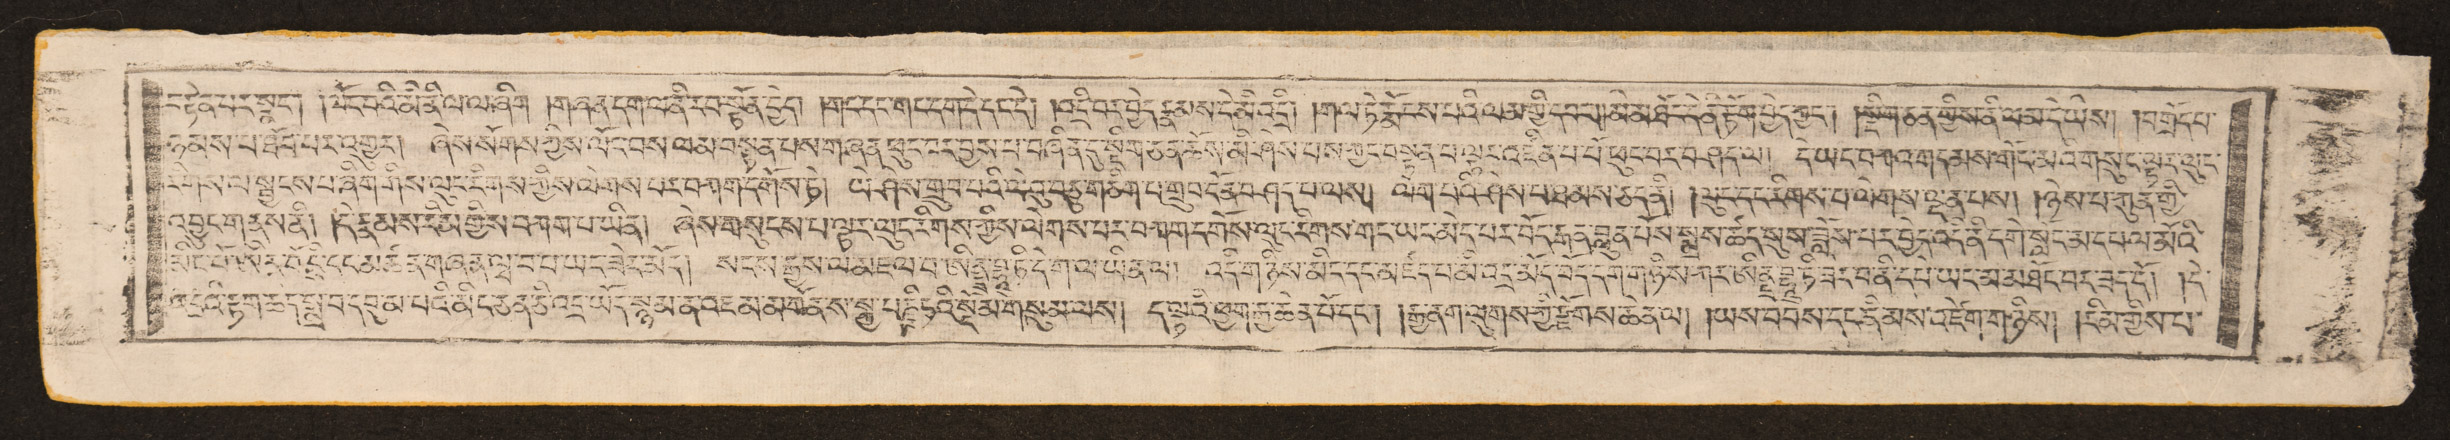བརྟེན་པར་སྣང་། །ལོང་བའི་མི་ནི་ལ་ལ་ཞིག །གཞན་དག་ལ་ནི་རབ་སྟོན་བྱེད། །གང་དང་གང་དག་དེ་དང་དེ། །འདྲི་བར་བྱེད་རྣམས་དེ་མི་འདྲི། །གལ་ཏེ་རྨོངས་པའི་ལམ་གྱི་དབང་། །མི་མཐོང་དེ་ནི་རྟོག་བྱེད་ཀྱང་། །སྡིག་ཅན་གྱིས་ནི་ལམ་དེ་ཡིས། །བགྲོད་པ་
ཉམས་པ་ཐོབ་པར་འགྱུར། ཞེས་སོགས་ཀྱིས་ལོང་བས་ལམ་བསྟན་པས་གཞན་ཕུང་བར་བྱས་པ་བཞིན་དུ་སྡིག་ཅན་ཆོས་མི་ཤེས་པས་ཀྱང་བསྟན་པ་ལྟར་འཛིན་པ་པོ་ཕུང་བར་བཤད་ལ། དེ་ཡང་བཀའ་གདམས་གོང་མའི་གསུང་ལྟར་ལུང་
རིགས་ལ་སྦྱངས་པ་ཞིག་གིས་ལུང་རིགས་ཀྱིས་ལེགས་པར་བཀག་དགོས་ཏེ། ཡེ་ཤེས་གྲུབ་པའི་ལེའུ་བཅུ་གཅིག་པ་གྲུབ་དོན་བཤད་པ་ལས། ལེག་པའི་ཤེས་པ་ཐམས་ཅད་ནི། །ལུང་དང་རིགས་པ་ལེགས་ལྡན་པས། །ཉེས་པ་ཀུན་གྱི་
འབྱུང་གནས་ནི། །དེ་རྣམས་རིམ་གྱིས་བཀག་པ་ཡིན། ཞེས་གསུངས་པ་ལྟར་ལུང་རིགས་ཀྱིས་ལེགས་པར་བཀག་དགོས་ལུང་རིགས་གང་ཡང་མེད་པར་བོད་རྒན་བླུན་པོས་སྨྲས་ཚད་སུས་ཟློས་པར་བྱེད་འདི་ནི་དགེ་སློང་མ་དཔལ་མོའི་
མིང་པོ་ཨིནྡ་བོདྷི་དང་མཚན་གཞན་ལྭ་བ་པ་ཡང་ཟེར་མོད། སངས་རྒྱས་ལ་མཇལ་བ་ཨིནྡྲ་བྷཱུ་ཏི་དེ་ག་ལ་ཡིན་ལ། འདི་གཉིས་མིང་དང་མཛད་པ་མི་འདྲ་མོད་བོད་དག་གཉིས་ཀར་ཨིནྡྲ་བྷཱུ་ཏི་ཟེར་པ་ནི་དཔེ་ཡང་མ་མཐོང་བར་ཟད་དོ། །དེ་
འདྲའི་རྟག་ཆད་སྨྲ་བ་དབུ་མ་པའི་མིང་ཅན་ཅི་འདྲ་ཡོད་སྙམ་ན་འཇམ་མགོན་ས་སྐྱ་པཎྜི་ཏའི་སྡོམ་གསུམ་ལས། ད་ལྟའི་ཕྱག་རྒྱ་ཆེན་པོ་དང་། །རྒྱ་ནག་ལུགས་ཀྱི་རྫོགས་ཆེན་ལ། །ཡས་བབས་དང་ནི་མས་འཛེག་གཉིས། །རིམ་གྱིས་པ་